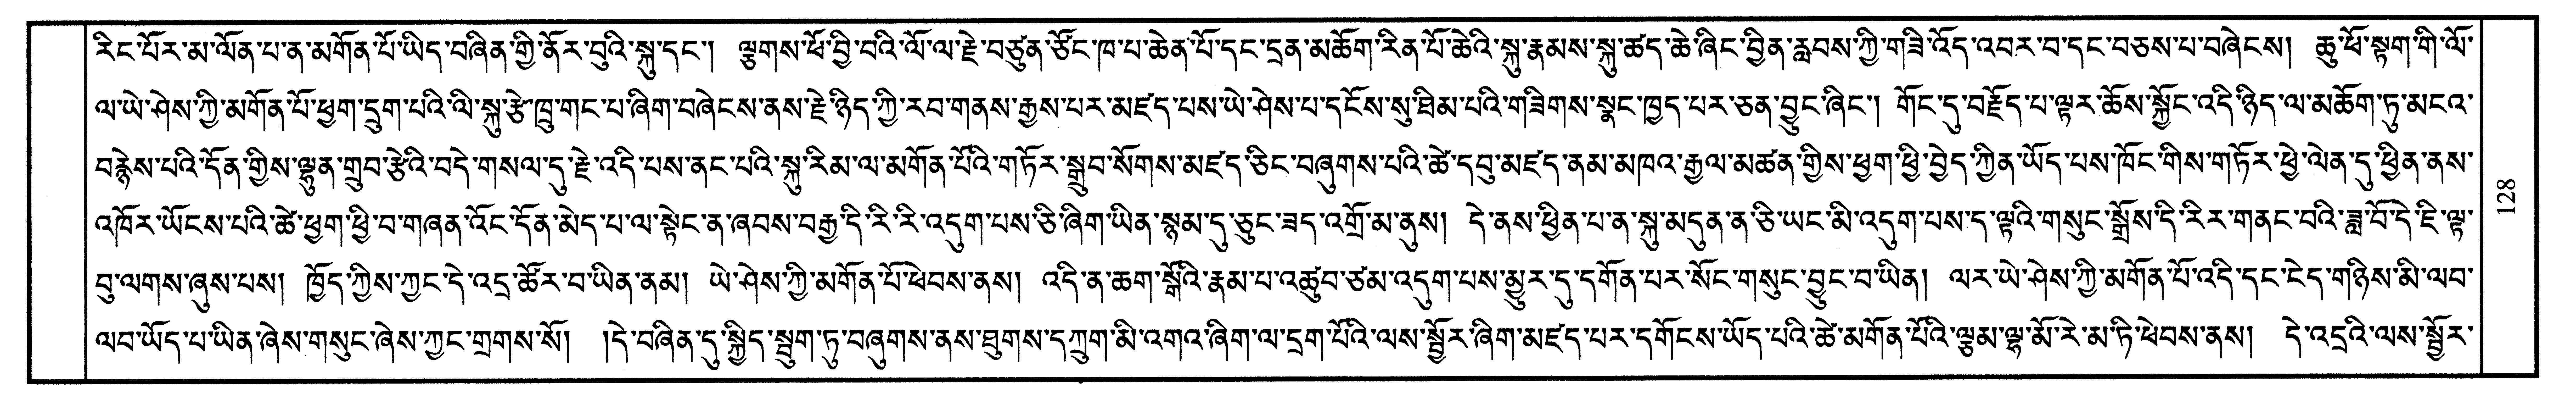རིང་པོར་མ་ལོན་པ་ན་མགོན་པོ་ཡིད་བཞིན་གྱི་ནོར་བུའི་སྐུ་དང་། ལྕགས་ཕོ་བྱི་བའི་ལོ་ལ་རྗེ་བཙུན་ཙོང་ཁ་པ་ཆེན་པོ་དང་དྲན་མཆོག་རིན་པོ་ཆེའི་སྐུ་རྣམས་སྐུ་ཚད་ཆེ་ཞིང་བྱིན་རླབས་ཀྱི་གཟི་འོད་འབར་བ་དང་བཅས་པ་བཞེངས། ཆུ་ཕོ་སྟག་གི་ལོ་
ལ་ཡེ་ཤེས་ཀྱི་མགོན་པོ་ཕྱག་དྲུག་པའི་ལོ་སྐུ་རྩེ་ཁྲུ་གང་པ་ཞིག་བཞེངས་ནས་རྗེ་ཉིད་ཀྱི་རབ་གནས་རྒྱས་པར་མཛད་པས་ཡེ་ཤེས་པ་དངོས་སུ་ཐིམ་པའི་གཟིགས་སྣང་ཁྱད་པར་ཅན་བྱང་ཞིང་། གོང་དུ་བརྗོད་པ་ལྟར་ཆོས་སྐྱོང་འདི་ཉིད་ལ་མཆོག་ཏུ་མངའ་
བརྙེས་པའི་དོན་གྱི་ལྷུན་གྲུབ་རྩེའི་བདེ་གསལ་དུ་རྗེ་འདི་པས་ནང་བའི་སྐུ་རིམ་ལ་མགོན་པོའི་གཏོར་སྒྲུབ་སོགས་མཛད་ཅིང་བཞུགས་པའི་ཚེ་དབུ་མཛད་ནམ་མཁའ་རྒྱལ་མཚན་གྱིས་ཕྱག་ཕྱི་བྱེད་ཀྱིན་ཡོད་པས་ཁོང་གིས་གཏོར་ཕྱེ་ལེན་དུ་ཕྱིན་ནས་
འཁོར་ཡོངས་པའི་ཚེ་ཕྱག་ཕྱི་བ་གཞན་འོང་དོན་མེད་པ་ལ་སྟེང་ན་ཞབས་བརྒྱ་དི་རི་རི་འདུག་པ་ཅི་ཞིག་ཡིན་སྙམ་དུ་ཅུང་ཟད་འགྲོ་མ་ནུས། དེ་ནས་ཕྱིན་པ་ན་སྐུ་མདུན་ན་ཅི་ཡང་མི་འདུག་པས་ད་ལྟའི་གསུང་སྒྲོས་དི་རིར་གནང་བའི་ཟླ་བོ་དེ་ཇི་ལྟ་
བུ་ལགས་ཞུས་པས། ཁྱོད་ཀྱིས་ཀྱང་དེ་འདྲ་ཚོར་བ་ཡིན་ནམ། ཡེ་ཤེས་ཀྱི་མགོན་པོ་ཕེབས་ནས། འདི་ན་ཆག་སྒོའི་རྣམ་པ་འཚུབ་ཙམ་འདུག་པས་མྱུར་དུ་དགོན་པར་སོང་གསུང་བྱུང་བ་ཡིན། ལར་ཡེ་ཤེས་ཀྱི་མགོན་པོ་འདི་དང་ངེད་གཉིས་མི་ལབ་
ལབ་ཡོད་པ་ཡིན་ཞེས་གསུང་ཞེས་ཀྱང་གྲགས་སོ། །དེ་བཞིན་སྐྱིད་སྦུག་ཏུ་བཞུགས་ནས་ཐུགས་དཀྲུག་མི་འགའ་ཞིག་ལ་དྲག་པོའི་ལས་སྦྱོར་ཞིག་མཛད་པ་དགོངས་ཡོད་པའི་ཚེ་མགོན་པའི་ལྕམ་ལྷ་མོ་རེ་མ་ཏི་ཕེབས་ནས། དེ་འདྲའི་ལས་སྦྱོར་